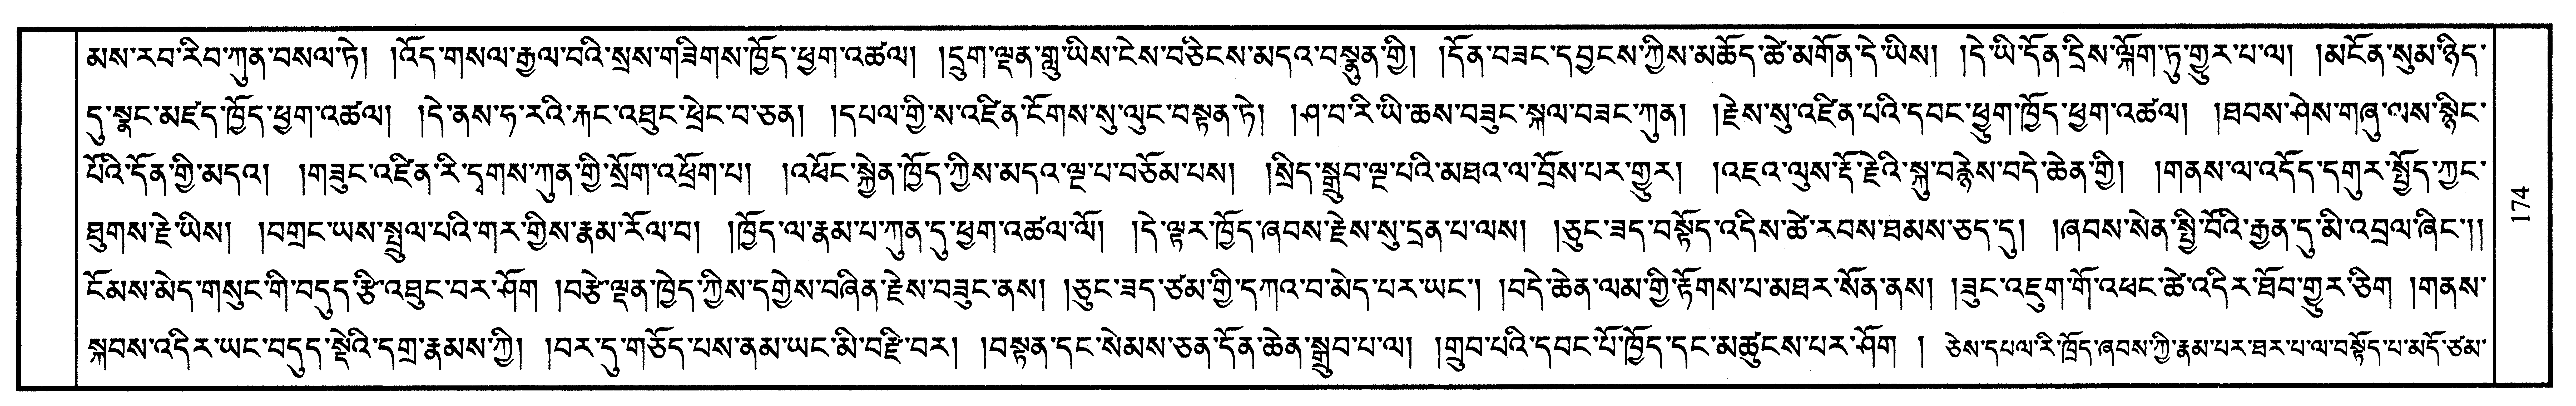མས་རབ་རིབ་ཀུན་བསལ་ཏེ། །འོད་གསལ་རྒྱལ་བའི་སྲས་གཟིགས་ཁྱོད་ཕྱག་འཚལ། །དྲུག་ལྡན་གླུ་ཡིས་ངེས་བཅིངས་མདའ་བསྣུན་གྱི། །དོན་བཟང་དབྱངས་ཀྱིས་མཆོད་ཚེ་མགོན་དེ་ཡིས། །དེ་ཡི་དོན་དྲིས་ལྐོག་ཏུ་གྱུར་པ་ལ། །མངོན་སུམ་ཉིད་
དུ་སྣང་མཛད་ཁྱོད་ཕྱག་འཚལ། །དེ་ནས་ཧ་རའི་རྐང་འཐུང་ཕྲེང་བ་ཅན། །དཔལ་གྱི་ས་འཛིན་ངོགས་སུ་ལུང་བསྟན་ཏེ། །ཤ་བ་རི་ཡི་ཆས་བཟུང་སྐལ་བཟང་ཀུན། །རྗེས་སུ་འཛིན་པའི་དབང་ཕྱུག་ཁྱོད་ཕྱག་འཚལ། །ཐབས་ཤེས་གཞུ་ལས་སྙིང་
པོའི་དོན་གྱི་མདའ། །གཟུང་འཛིན་རི་དྭགས་ཀུན་གྱི་སྲོག་འཕྲོག་པ། །འཕོང་སྐྱེན་ཁྱོད་ཀྱིས་མདའ་ལྔ་པ་བཅོམ་པས། །སྲིད་སྒྲུབ་ལྔ་པའི་མཐའ་ལ་བྲོས་པར་གྱུར། །འཇའ་ལུས་རྡོ་རྗེའི་སྐུ་བརྙེས་བདེ་ཆེན་གྱི། །གནས་ལ་འདོད་དགུར་སྤྱོད་ཀྱང་
ཐུགས་རྗེ་ཡིས། །བགྲང་ཡས་སྤྲུལ་པའི་གར་གྱིས་རྣམ་རོལ་པ། །ཁྱོད་ལ་རྣམ་པ་ཀུན་དུ་ཕྱག་འཚལ་ལོ། །དེ་ལྟར་ཁྱོད་ཞབས་རྗེས་སུ་དྲན་པ་ལས། །ཅུང་ཟད་བསྟོད་འདིས་ཚེ་རབས་ཐམས་ཅད་དུ། །ཞབས་སེན་སྤྱི་བོའི་རྒྱན་དུ་མི་འབྲལ་ཞིང།།
ངོམས་མེད་གསུང་གི་བདུད་རྩི་འཐུང་བར་ཤོག །བརྩེ་ལྡན་ཁྱེད་ཀྱིས་དགྱེས་བཞིན་རྗེས་བཟུང་ནས། །ཅུང་ཟད་ཙམ་གྱི་དཀའ་བ་མེད་པར་ཡང་། །བདེ་ཆེན་ལམ་གྱི་རྟོགས་པ་མཐར་སོན་ནས། །ཟུང་འཇུག་གོ་འཕང་ཚེ་འདིར་ཐོབ་གྱུར་ཅིག །གནས་
སྐབས་འདིར་ཡང་བདུད་སྡེའི་དགྲ་རྣམས་ཀྱི། །བར་དུ་གཅོད་པས་ནམ་ཡང་མི་བརྫི་བར། །བསྟན་དང་སེམས་ཅན་དོན་ཆེན་སྒྲུབ་པ་ལ། །གྲུབ་པའི་དབང་པོ་ཁྱོད་དང་མཚུངས་པར་ཤོག །ཅེས་དཔལ་རི་ཁྲོད་ཞབས་ཀྱི་རྣམ་པར་ཐར་པ་ལ་བསྟོད་པ་མདོ་ཙམ་